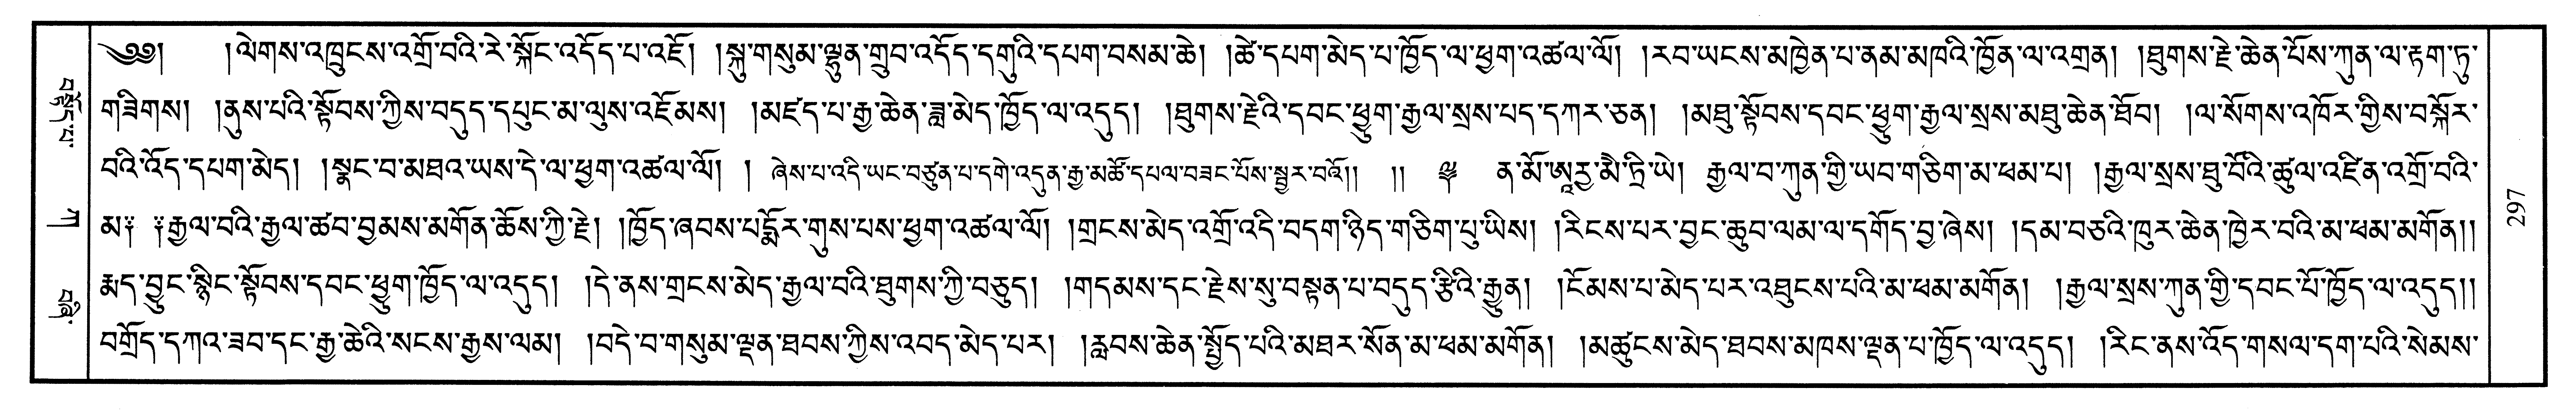༄༅། །ལེགས་འཁྲུངས་འགྲོ་བའི་རེ་སྐོང་འདོད་པ་འཇོ། །སྐུ་གསུམ་ལྷུན་གྲུབ་འདོད་དགུའི་དཔག་བསམ་ཆེ། །ཚེ་དཔག་མེད་པ་ཁྱོད་ལ་ཕྱག་འཚལ་ལོ། །རབ་ཡངས་མཁྱེན་པ་ནམ་མཁའི་ཁྱོན་ལ་འགྲན། །ཐུགས་རྗེ་ཆེན་པོས་ཀུན་ལ་རྟག་ཏུ་
གཟིགས། །ནུས་པའི་སྟོབས་ཀྱིས་བདུད་དཔུང་མ་ལུས་འཇོམས། །མཛད་པ་རྒྱ་ཆེན་ཟླ་མེད་ཁྱོད་ལ་འདུད། །ཐུགས་རྗེའི་དབང་ཕྱུག་རྒྱས་སྲས་པད་དཀར་ཅན། །མཐུ་སྟོབས་དབང་ཕྱུག་རྒྱལ་སྲས་མཐུ་ཆེན་ཐོབ། །ལ་སོགས་འཁོར་གྱིས་བསྐོར་
བའི་འོད་དཔག་མེད། །སྣང་བ་མཐའ་ཡས་དེ་ལ་ཕྱག་འཚལ་ལོ། །ཞེས་པ་འདི་ཡང་བཙུན་པ་དགེ་འདུན་རྒྱ་མཚོ་དཔལ་བཟང་པོས་སྦྱར་བའོ།། །། ༈ ན་མོ་ཨཱརྱ་མཻ་ཏྲི་ཡེ། རྒྱལ་བ་ཀུན་གྱི་ཡབ་གཅིག་མ་ཕམ་པ། །རྒྱལ་སྲས་ཐུ་བོའི་ཚུལ་འཛིན་འགྲོ་བའི་
མ༑ ༑རྒྱལ་བའི་རྒྱལ་ཚབ་བྱམས་མགོན་ཆོས་ཀྱི་རྗེ། །ཁྱོད་ཞབས་པདམོར་གུས་པས་ཕྱག་འཚལ་ལོ། །གྲངས་མེད་འགྲོ་འདི་བདག་ཉིད་གཅིག་པུ་ཡིས། །རིངས་པར་བྱང་ཆུབ་ལམ་ལ་དགོད་བྱ་ཞེས། །དམ་བཅའི་ཁུར་ཆེན་ཁྱེར་བའི་མ་ཕམ་མགོན།།
རྨད་བྱུང་སྙིང་སྟོབས་དབང་ཕྱུག་ཁྱོད་ལ་འདུད། །དེ་ནས་གྲངས་མེད་རྒྱལ་བའི་ཐུགས་ཀྱི་བཅུད། །གདམས་དང་རྗེས་སུ་བསྟན་པ་བདུད་རྩིའི་རྒྱུན། །ངོམས་པ་མེད་པར་འཐུངས་པའི་མ་ཕམ་མགོན། །རྒྱལ་སྲས་ཀུན་གྱི་དབང་པོ་ཁྱོད་ལ་འདུད།།
བགྲོད་དཀའ་ཟབ་དང་རྒྱ་ཆེའི་སངས་རྒྱས་ལམ། །བདེ་བ་གསུམ་ལྡན་ཐབས་ཀྱིས་འབད་མེད་པར། །རླབས་ཆེན་སྤྱོད་པའི་མཐར་སོན་མ་ཕམ་མགོན། །མཚུངས་མེད་ཐབས་མཁས་ལྡན་པ་ཁྱོད་ལ་འདུད། །རིང་ནས་འོད་གསལ་དག་པའི་སེམས་